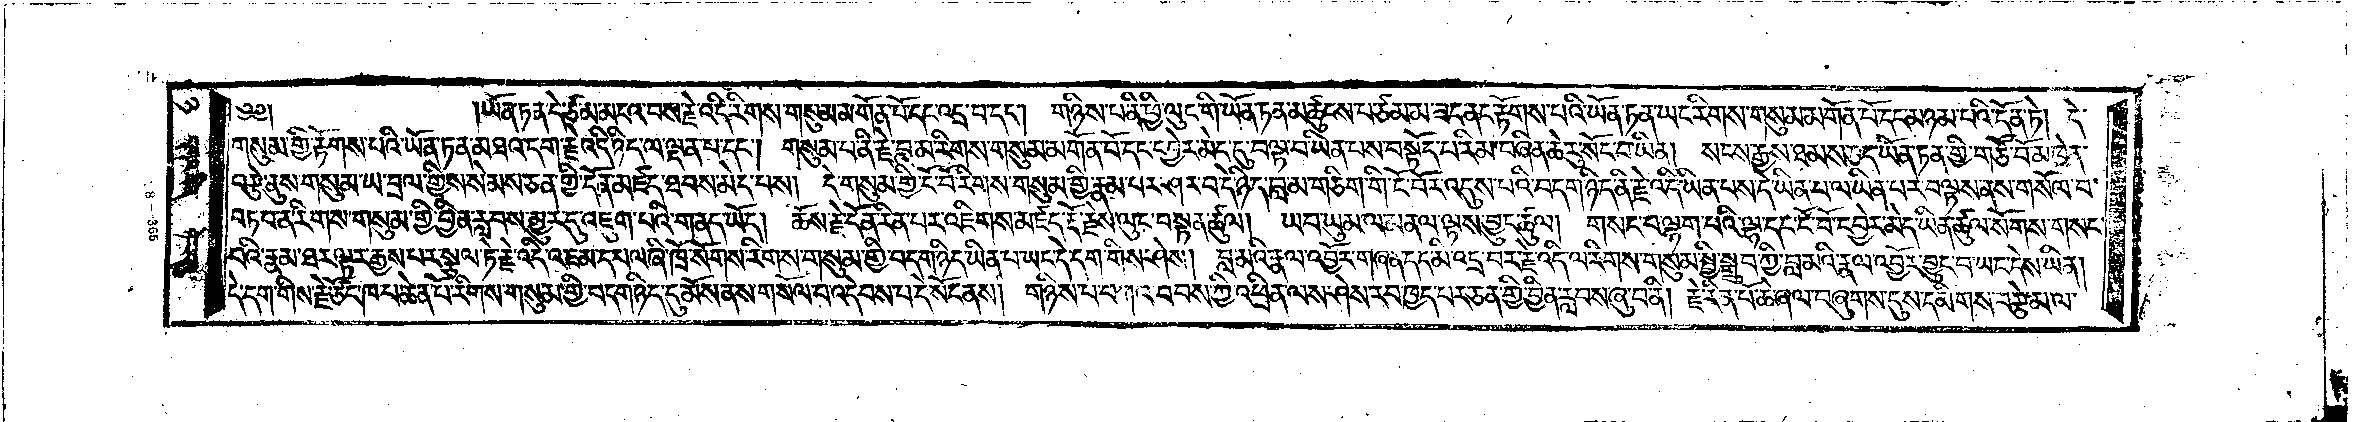༄༅། །ཡོན་ཏན་དེ་ཙམ་མངའ་བས་རྗེ་འདི་རིགས་གསུམ་མགོན་པོ་དང་འདྲ་བ་དང་། གཉིས་པ་ནི་ཕྱི་ལུང་གི་ཡོན་ཏན་མཚུངས་པ་ཙམ་མ་ཟད་ནང་རྟོགས་པའི་ཡོན་ཏན་ཡང་རིགས་གསུམ་མགོན་པོ་དང་མཉམ་པའི་དོན་ཏེ། དེ་
གསུམ་གྱི་རྟོགས་པའི་ཡོན་ཏན་མཐའ་དག་རྗེ་འདི་ཉིད་ལ་ལྡན་པ་དང་། གསུམ་པ་ནི་རྗེ་བླ་མ་རིགས་གསུམ་མགོན་པོ་དང་དབྱེར་མེད་དུ་བལྟ་བ་ཡིན་པས་བསྟོད་པ་རིམ་བཞིན་ཆེ་རུ་སོང་བ་ཡིན། སངས་རྒྱས་ཐམས་ཅད་ཡོན་ཏན་གྱི་གཙོ་བོ་མཁྱེན་
བརྩེ་ནུས་གསུམ་ཡ་བྲལ་གྱིས་སེམས་ཅན་གྱི་དོན་མཛད་ཐབས་མེད་པས། དེ་གསུམ་གྱི་ངོ་བོ་རིགས་གསུམ་གྱི་རྣམ་པར་ཤར་བ་དེ་ཉིད་བླ་མ་གཅིག་གི་ངོ་བོར་འདུས་པའི་བདག་ཉིད་ནི་རྗེ་འདི་ཡིན་པས་དེ་ཡིན་པ་ལ་ཡིན་པར་བལྟས་ནས་གསོལ་བ་
བཏབ་ན་རིགས་གསུམ་གྱི་བྱིན་རླབས་མྱུར་དུ་འཇུག་པའི་གནད་ཡོད། ཆོས་རྗེ་དོན་རིན་པར་འཇིགས་མཛད་རྡོ་རྗེས་ལུང་བསྟན་ཚུལ། ཡབ་ཡུམ་ལ་མནལ་ལྟས་བྱུང་ཚུལ། གསང་བ་ལྷག་པའི་ལྷ་དང་ངོ་བོ་དབྱེར་མེད་ཡིན་ཚུལ་སོགས་གསང་
བའི་རྣམ་ཐར་ལྟར་རྒྱས་པར་སྩལ་ཏེ་རྗེ་འདི་འཇམ་དཔལ་ཞི་ཁྲོ་སོགས་རིགས་གསུམ་གྱི་བདག་ཉིད་ཡིན་པ་ཡང་དེ་དག་གིས་ཤེས། བླ་མའི་རྣལ་འབྱོར་གཞན་དང་མི་འདྲ་བར་རྗེ་འདི་ལ་རིགས་གསུམ་སྤྱི་སྒྲུབ་ཀྱི་བླ་མའི་རྣལ་འབྱོར་བྱུང་བ་ཡང་དེས་ཡིན།
དེ་དག་གིས་རྗེ་ཙོང་ཁ་པ་ཆེན་པོ་རིགས་གསུམ་གྱི་བདག་ཉིད་དུ་མོས་ནས་གསོལ་བ་འདེབས་པ་དེ་སོང་ནས། གཉིས་པ་བཀའ་བབས་ཀྱི་འཕྲིན་ལས་ཤེས་རབ་ཁྱད་པར་ཅན་གྱི་བྱིན་རླབས་ཞུ་བ་ནི། རྗེ་རིན་པོ་ཆེ་ཞལ་བཞུགས་དུས་དམིགས་བརྩེ་མ་ལ་